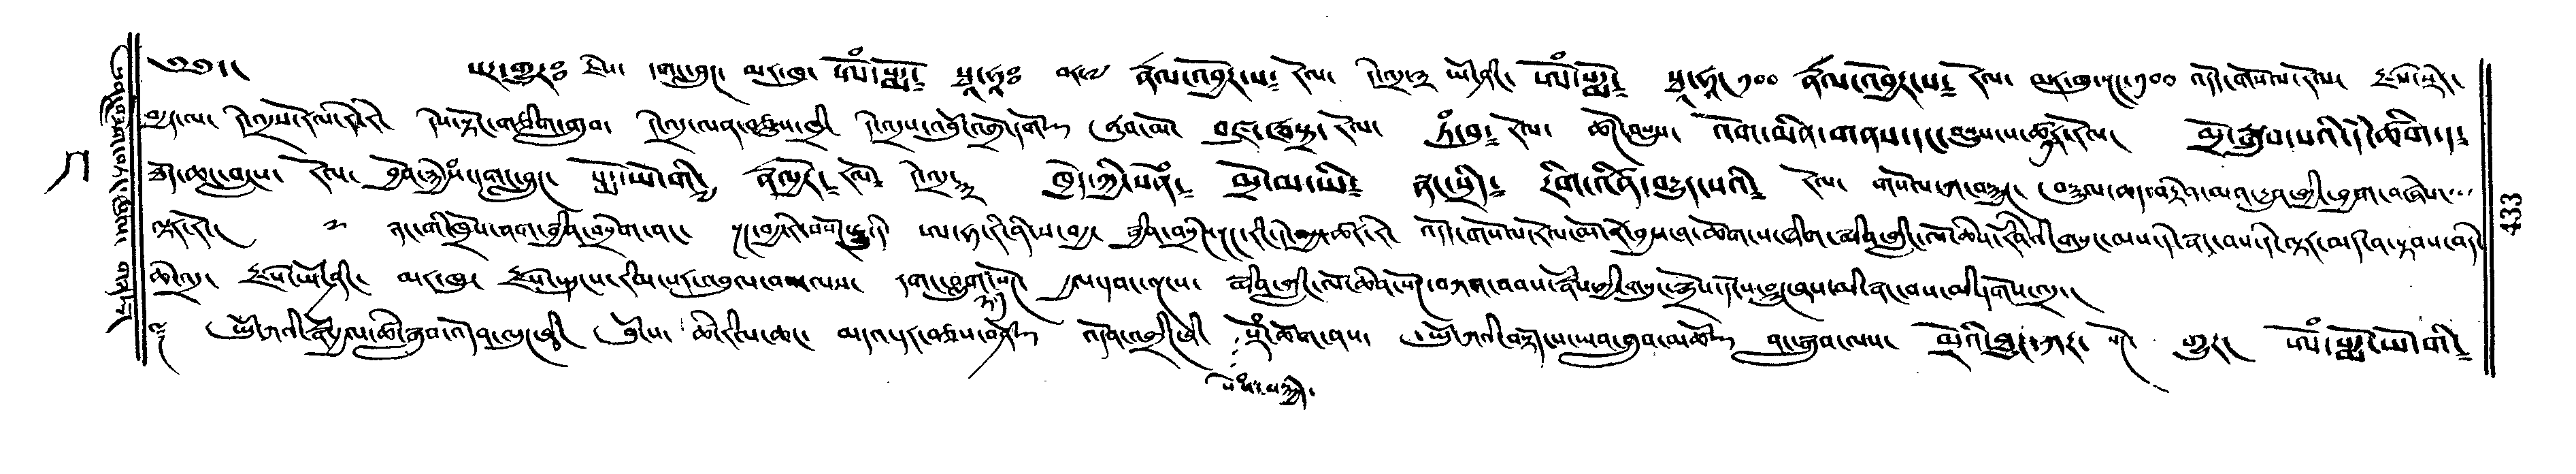པར་གྱུརཿ རྗེས། དགང་བླུགས། མར་ཁུ། ཨོཾ་པདྨོ༴ སྭ་ཧཱ༔ བར་བདུན། རྣལ་འབྱོར་པ༴ རོལ། དེ་འདྲ་གསུམ། ཡམ་ཤིང་། ཨོཾ་པདྨོ༴ སྭ་ཧཱ་བརྒྱ། རྣལ་འབྱོར་པ༴ རོལ། མར་ཁུའི་སྔགས་བརྒྱ། འདོད་གསོལ། རོལ། རྫས་སྡེར་
བརྒྱད་ལ། དེ་འདྲས་རོལ་རེ་རེ། དེས་སྟོང་གཅིག་གྲུབ། དེ་འདྲ་ལན་བཅུས་ཁྲི། དེ་འདྲས་འབུམ་འགྲོ་དགོས། ནུབ་མོ། བཛྲ་ཝསྟ། རོལ། ཏཾ་བུ༴ རོལ། ཚོགས་བསྡུས། འོག་མིན་གནས་དང༴ བསྡུས་པ་ཚར་གཅིག རོལ། མཁའ་འགྲོ་སྒྲུབ་པའི་དམ་ཚིག་དང་༴ 
ཆད་ཐོ་བླང་། རོལ། བྱོན་སྐྱེམས་དགང་བླུགས། པདྨོ་ཡོ་གི༴ བདུན། རྣལ་འབྱོར༴ རོལ། དེ་འདྲ་གསུམ།ཁྱེད་ཀྱི་སེམས་ཅན༴ མཁའ་འགྲོ་མ་ཡི༴ སྣང་སྲིད༴ རིག་འཛིན་བརྒྱུད་པའི༴ རོལ། གསོལ་ཀ་བཀྱགས། བསྐུལ་ཆད་བརྟན་མན་རྒྱུན་གྱི་ཕྱག་བཞེས་
ལྟར་རོ། ཉང་གི་ཁྲོས་ནག་སྦྱིན་སྲེག་ནང་། སྔགས་བརྒྱ་རེ་བསོག་རྒྱུ་དེ། ཨ་ཧ་རི་ནི་ས་བརྒྱ། སྦྱིན་སྲེག་སྔགས་རིང་དེ་བརྒྱ་ཚར་རེ། འདོད་གསོལ་རོལ་མོ་བྱས་ན་ཆོག་པ་ཞིག་སྨིན་གླིང་ལོ་ཆེན་རིན་པོ་ཆེའི་གསུང་ལས་་སྣང་བས་དེ་ལྟར་མཛད་ན་སྟབས་བདེ་
ཆེ་བ་འདྲ། རྫས་ཡམ་ཤིང་། མར་ཁུ། རྫས་སྤུངས་རིམ་པར་འབུལ་བ་ལས། དགང་བླུགས་ཉི་ཤུ་རྩ་གཅིག་སོགས། རྒྱལ་དབང་ལྔ་པ། སྨིན་གླིང་ལོ་ཆེན་སོགས་བཀའ་བབས་རྣམས་ཀྱི་གསུང་སྒྲོས་དངོས་ཤུགས་ནས་མི་སྣང་བས་མི་དགོས་པ་འདྲ།
 ༄༅། ཡུམ་ཀའི་རྣམ་རྒྱལ་ཚེ་སྒྲུབ་འདོན་ལུགས་ནི། བུམ་པ། ཚེ་རིལ། ཚེ་ཆང་། མདའ་དར་བཅས་བཤམས། འདོན་འགྲིགས་ནི། སེམས་བསྐྱེད་སྡོམ་ཆོག་ནས། ཡུམ་ཀའི་བསྟོད་པ་ཡན་གྲུབ་མཚམས། ནང་སྒྲུབ་ལས། མཁའ་འགྲོའི་ཐུགས་ཀར ༴ སོགས། གྱུར། ཨོཾ་པདྨོ་ཡོ་གི༴